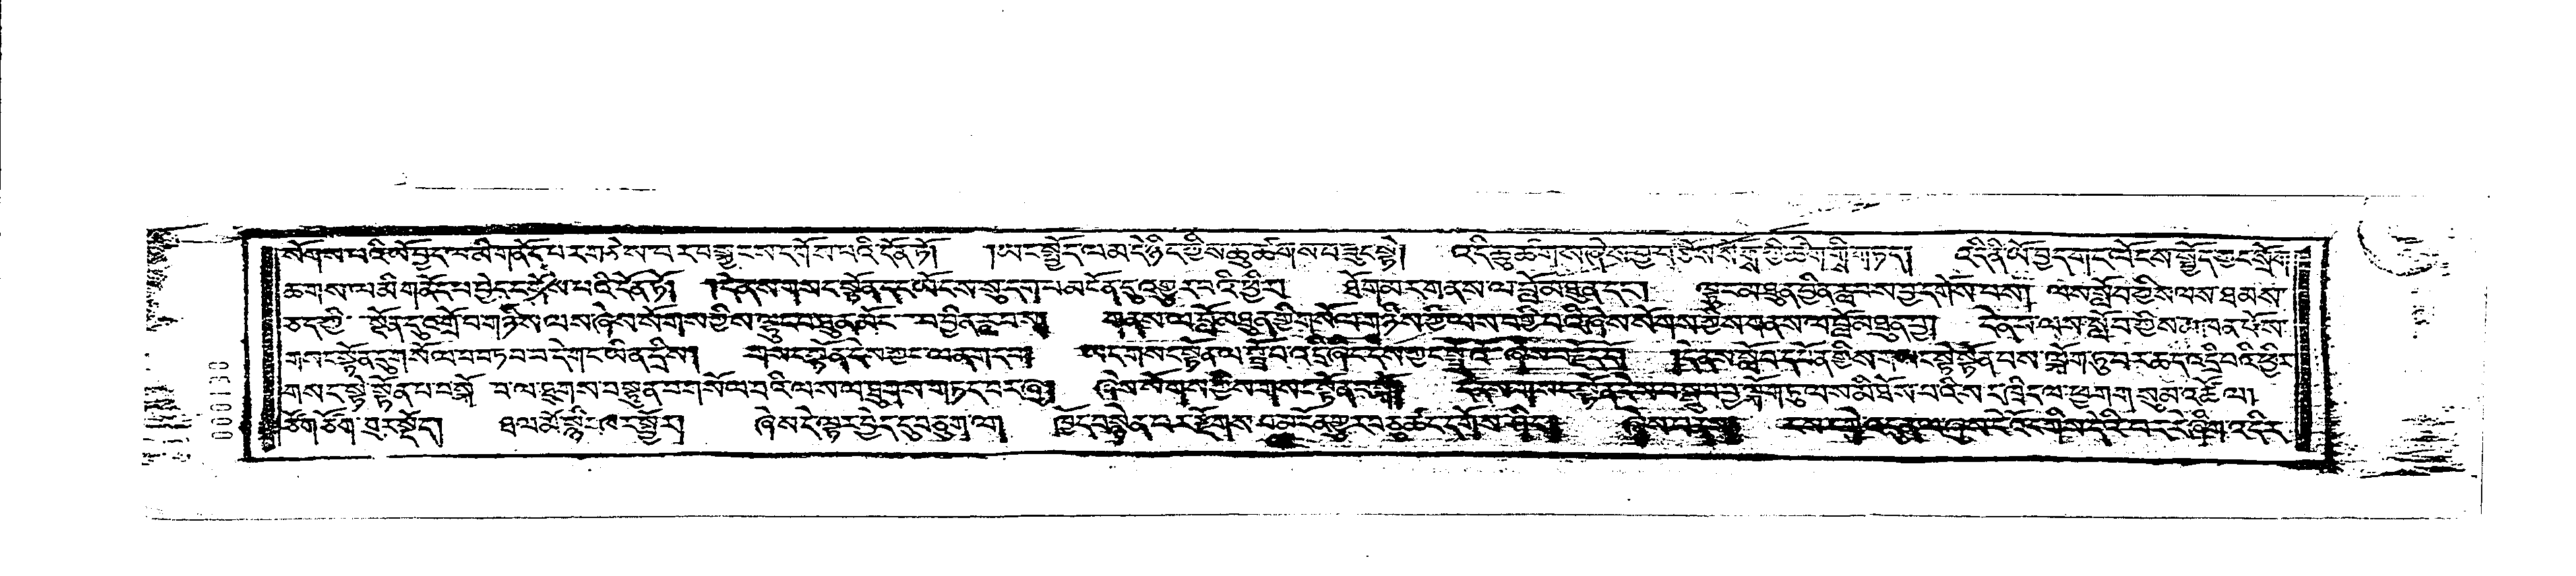སོགས་པའི་ཡོ་བྱད་ལ་མི་གནོད་པར་གཅེས་བར་བསྐྱངས་དགོས་པའི་དོན་ཏོ། །ཡང་སྤྱོད་ལམ་དེ་ཉིད་ཀྱིས་ཆུ་ཚགས་བཟུང་སྟེ། འདི་ཆུ་ཚགས་ཞེས་བྱ་བ་ཅེས་སོགས་ཀྱི་ཚིག་གིས་གཏད། འདི་ནི་ཡོ་བྱད་གང་ལོངས་སྤྱོད་ཀྱང་སྲོག་
ཆགས་ལ་མི་གནོད་པ་བྱེད་དགོས་པའི་དོན་ཏོ། །དེ་ནས་གསང་སྟོན་དང་ཡོངས་སུ་དག་པ་མངོན་དུ་འགྱུར་བའི་ཕྱིར། ཐོག་མར་གནས་ལ་བློ་མཐུན་དང་། ལྟུང་མཐུན་བྱིན་རླབས་བྱ་དགོས་པས། ལས་སློབ་ཀྱིས་ལས་ཐམས་
ཅད་ཀྱི་སྔོན་དུ་འགྲོ་བ་གཉིས་ལས་ཞེས་སོགས་ཀྱིས་ལྟུང་བ་ཐུན་མོང་བ་བྱིན་རླབས། གནས་ལ་བློ་མཐུན་གྱི་གསོལ་གཉིས་ཀྱི་ལས་བགྱི་བའི་ཞེས་སོགས་ཀྱིས་གནས་ལ་བློ་མཐུན་བྱ། དེ་ནས་ལས་སློབ་ཀྱིས་མཁན་པོས་
གསང་སྟོན་དུ་གསོལ་བ་བཏབ་པ་དེ་གང་ཡིན་དྲིས། གསང་སྟོན་དེས་ཀྱང་ལན་གདབ། ཡང་གསང་སྟོན་ལ་སྤྲོ་བ་འདྲི་ཞིང་དེས་ཀྱང་སྤྲོའོ་ཞེས་བརྗོད་དོ། །དེ་ནས་སློབ་དཔོན་གྱིས་གསང་སྟེ་སྟོན་པས་ལྐོག་ཏུ་བར་ཆད་འདྲི་བའི་ཕྱིར་
གསང་སྟེ་སྟོན་པ་བསྐོ་བ་ལ་ཐུགས་བསྟུན་པ་གསོལ་བའི་ལས་ལ་ཐུགས་གཏང་བར་ཞུ། ཞེས་སོགས་ཀྱིས་གསང་སྟོན་བསྐོ། དེ་ནས་གསང་སྟོན་དེས་བསྒྲུབ་བྱ་ལྐོག་ཏུ་ལས་མི་ཐོས་པའི་སར་ཁྲིད་ལ་ཕྱག་གསུམ་འཚོལ།
ཙོག་ཙོག་བུར་སྡོད། ཐལ་མོ་སྙིང་ཁར་སྦྱོར། ཞེས་དེ་ལྟར་བྱེད་དུ་བཅུག་ལ། ཁྱོད་བསྙེན་པར་རྫོགས་པ་མངོན་གྱུར་བཅུ་ཚང་དགོས་ཤིང་། ཞེས་པ་ནས། ངས་དགེ་འདུན་ལ་ཞུས་དེ་འོང་གིས་དེའི་བར་རེ་ཞིག་འདིར་